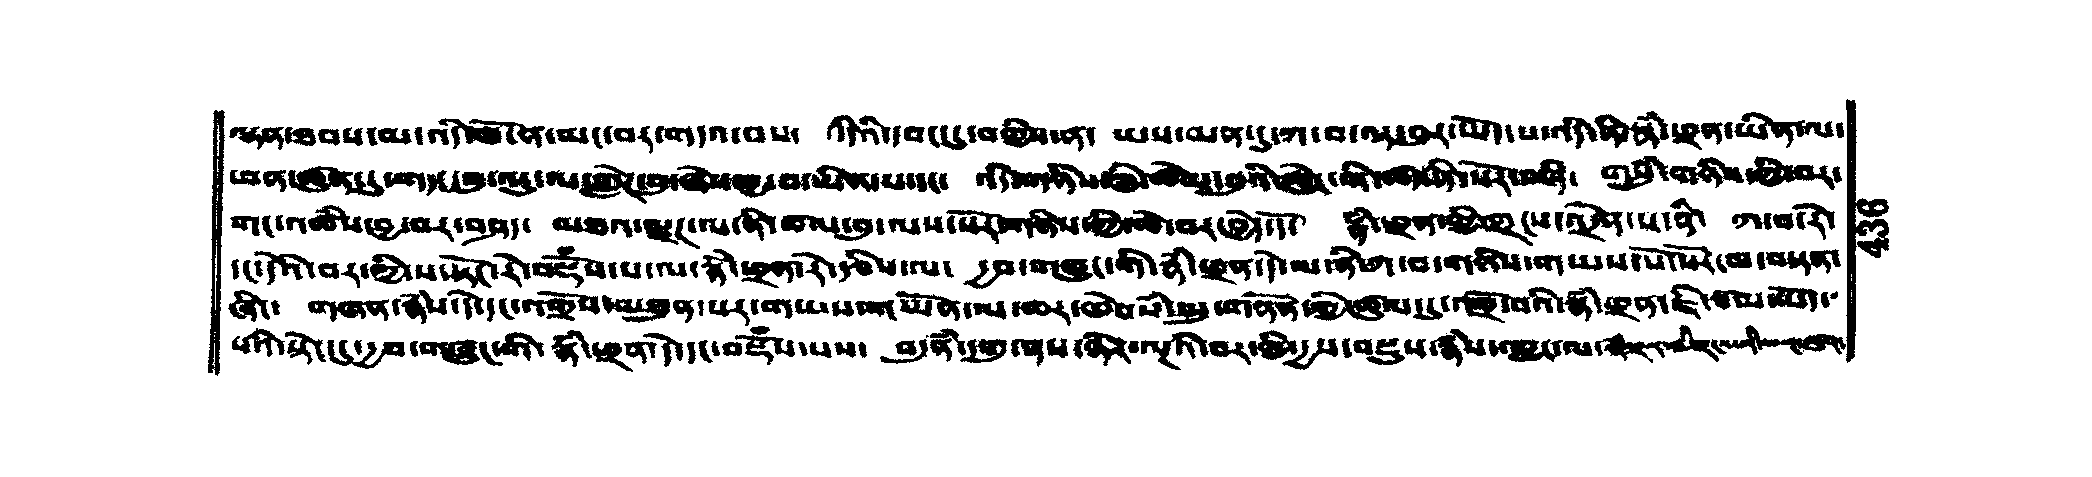ལྷན་ཐབས་མ་འདི་ཁོ་ན་མང་བར་གདའ་བས། འདིའི་དབང་དུ་བགྱིས་ན། ཡས་མན་དུ་ཀ་བ་ལྟ་བུར་ཡོད་པ་འདི་ནི་སྣམ་ཕྲན་ཡིན་ལ་
ཕན་ཚུན་དུ་གདང་བུ་ལྟ་བུ་ལ་གླེགས་བུ་ཞེས་བྱ་བ་ཡིན་པ་དང་། འདི་གཉིས་ཀྱི་ཚེམ་བུའི་ཆེ་ཆུང་ནི་ཚད་གི་སོར་བཞི། གསུམ་གཉིས་ཀྱི་བར་
གང་འཚམས་བྱ་བར་བཤད། མཐའ་ལྗགས་ལ་ནི་ཚལ་བུ་ལས་སོར་གཉིས་ཀྱི་ཆེ་བར་བྱེད་དོ། སྣམ་ཕྲན་གྱི་གྲངས་འདྲེན་པ་ནི། ཀ་བ་རེ་
དང་དེའི་བར་གྱི་ས་སྟོང་རེ་བསྡོམས་པ་ལ་སྣམ་ཕྲན་རེ་རྩིས་ལ། རྒྱབ་གཞུང་གི་སྣམ་ཕྲན་དེ་ལ་ནི་ཀ་བ་གཉིས་གཡས་གཡོན་སོ་སོར་ཁ་བསྟན་
ཞིང་། གཞན་རྣམས་དེ་དང་འགྲོས་མཐུན་པར་གཡས་གཡོན་ལ་ཆར་ཁེབས་སམ་མུ་གནོན་གྱི་ཚུལ་དུ་འགྲོ་བའི་སྣམ་ཕྲན་ཇི་ཙམ་ཡོད་
པའི་སྟེང་དུ་རྒྱབ་གཞུང་གི་རྣམ་ཕྲན་དེ་དང་བསྡོམས་པས། བདུན་ནམ་དགུ་ནས་ཉེར་ལྔའི་བར་གྱི་རྒྱས་བསྡུས་རྣམས་འབྱུང་ལ།